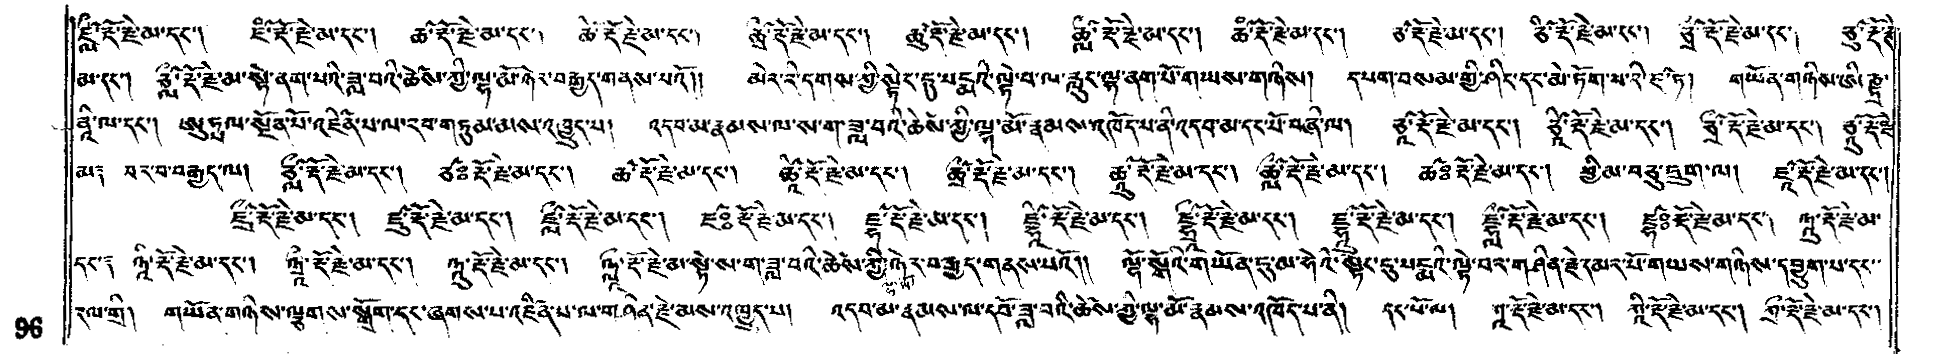ཛླྀ་རྡོ་རྗེ་མ་དང་། ཛཾ་རྡོ་རྗེ་མ་དང་། ཚ་རྡོ་རྗེ་མ་དང་། ཆེ་རྡོ་རྗེ་མ་དང་། ཆྲྀ་རྡོ་རྗེ་མ་དང་། ཆུ་རྡོ་རྗེ་མ་དང་། ཚླི་རྡོ་རྗེ་མ་དང་། ཚཾ་རྡོ་རྗེ་མ་དང་། ཙ་རྡོ་རྗེ་མ་དང་། ཙི་རྡོ་རྗེ་མ་དང་། ཙྲ་རྡོ་རྗེ་མ་དང་། ཅུ་རྡོ་རྗེ་
མ་དང་། ཙླྀ་རྡོ་རྗེ་མ་སྟེ་ནག་པའི་ཟླ་བའི་ཚེས་ཀྱི་ལྷ་མོ་ཉེར་བརྒྱད་གནས་པའོ།། མེར་རི་དགས་ཀྱི་སྟེང་དུ་པདམའི་ལྟེ་བ་ལ་རླུང་ལྷ་ནག་པོ་གཡས་གཉིས། དཔག་བསམ་གྱི་ཤིང་དང་མེ་ཏོག་པའི་ཛ་ཏ། གཡོན་གཉིས་ཨིཎྟྲ་
ནཱི་ལ་དང་། ཨུཏྤ་ལ་སྔོན་པོ་འཛིན་པ་ལ་རབ་གཏུམ་མས་འཁྱུད་པ། འདབ་མ་རྣམས་ལ་ས་ག་ཟླ་བའི་ཚེས་ཀྱི་ལྷ་མོ་རྣམས་འཁོད་པ་ནི་འདབ་མ་དང་པོ་བཞི་ལ། ཙཱ་རྡོ་རྗེ་མ་དང་། ཙིའི་རྡོ་རྗེ་མ་དང་། ཙྲྀ་རྡོ་རྗེ་མ་དང་། ཙཱུ་རྡོ་རྗེ་
མ༑ བར་བ་བརྒྱད་ལ། ཙླྀ་རྡོ་རྗེ་མ་དང་། ཙཿ རྡོ་རྗེ་མ་དང་། ཚ་རྡོ་རྗེ་མ་དང་། ཚཱི་རྡོ་རྗེ་མ་དང་། ཚྲྀ་རྡོ་རྗེ་མ་དང་། ཚཱུ་རྡོ་རྗེ་མ་དང་། ཚླྀ་རྡོ་རྗེ་མ་དང་། ཚཿ རྡོ་རྗེ་མ་དང་། ཕྱི་མ་བཅུ་དྲུག་ལ། ཛཱ་རྡོ་རྗེ་མ་དང་།
ཛྲྀ་རྡོ་རྗེ་མ་དང་། ཛུ་རྡོ་རྗེ་མ་དང་། ཛླྀ་རྡོ་རྗེ་མ་དང་། ཛཿ རྡོ་རྗེ་མ་དང་། ཛྷོ་རྡོ་རྗེ་མ་དང་། ཛྷཱི་རྡོ་རྗེ་མ་དང་། ཛྷྲཱི་རྡོ་རྗེ་མ་དང་། དྷཱུ་རྡོ་རྗེ་མ་དང་། ཛྷླྀ་རྡོ་རྗེ་མ་དང་། ཛྷཿ རྡོ་རྗེ་མ་དང་། ཉཱུ་རྡོ་རྗེ་མ་
དང༑ ཉཱི་རྡོ་རྗེ་མ་དང་། ཉྲཱྀ་རྡོ་རྗེ་མ་དང་། ཉཱུ་རྡོ་རྗེ་མ་དང་། ཉླཱྀ་རྡོ་རྗེ་མ་སྟེ་ས་ག་ཟླ་བའི་ཚེས་ཀྱི་ལྷ་ཡོ་ཉེར་བརྒྱད་གནས་པའོ།། ལྷོ་སྒོའི་གཡོན་དུ་མ་ཧེའི་སྟེང་དུ་པདམའི་ལྟེ་བར་གཤིན་རྗེ་དམར་པོ་གཡས་གཉིས་དབྱུག་པ་དང་
རལ་གྲི། གཡོན་གཉིས་ལྕགས་སྒྲོག་དང་ཞགས་པ་འཛིན་པ་ལ་གཤིན་རྗེ་མས་འཁྱུད་པ། འདབ་མ་རྣམས་ལ་དབོ་ཟླ་བའི་ཚེས་ཀྱི་ལྷ་མོ་རྣམས་འཁོད་པ་ནི། དང་པོ་ལ། གཱ་རྡོ་རྗེ་མ་དང་། ཀཱི་རྡོ་རྗེ་མ་དང་། ཀྲྀ་རྡོ་རྗེ་མ་དང་།